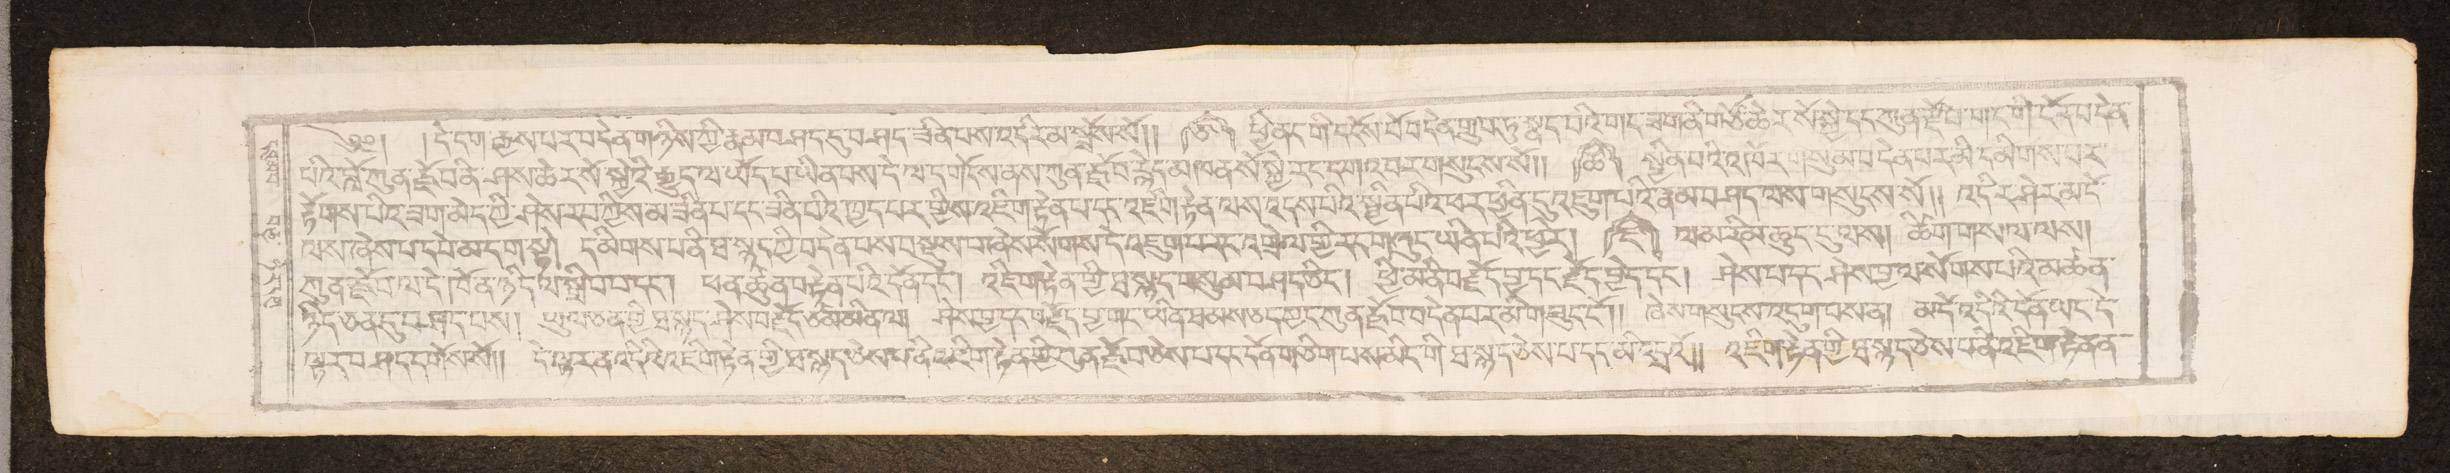༄༅། །དེ་དག་རྒྱས་པར་བདེན་གཉིས་ཀྱི་རྣམ་བཤད་དུ་བཤད་ཟིན་པས་འདིར་མ་སྤྲོས་སོ།། ༼༽ཙ༼༽ ཕྱི་ནང་གི་དངོས་པོ་བདེན་གྲུབ་ཏུ་སྣང་བའི་གང་ཟག་ནི་གཙོ་ཆེར་སོ་སྐྱེ་དང་ཀུན་རྫོབ་གང་གི་ངོར་བདེན་
པའི་བློ་ཀུན་རྫོབ་ནི་ཤས་ཆེར་སོ་སྐྱེའི་རྒྱུད་ལ་ཡོད་པ་ཡིན་པས་དེ་ལ་དགོངས་ནས་ཀུན་རྫོབ་རྙེད་མཁས་སོ་སྐྱེ་རང་དགའ་བར་གསུངས་སོ།། ༼༽ཚ༼༽ སྤྱིན་པའི་འཁོར་གསུམ་བདེན་པར་མི་དམིགས་པར་
རྟོགས་པའི་ཟག་མེད་ཀྱི་ཤེས་རབ་ཀྱིས་མ་ཟིན་པ་དང་ཟིན་པའི་ཁྱད་པར་གྱིས་འཇིག་རྟེན་པ་དང་འཇིག་རྟེན་ལས་འདས་པའི་སྦྱིན་པའི་ཕར་ཕྱིན་དུ་འཇུག་པའི་རྣམ་བཤད་ལས་གསུངས་སོ།། འདིར་ཤེར་མདོ་
ལས་ཞེས་པ་དཔེ་མ་དག་སྟེ། དམིགས་པ་ནི་ཐ་སྙད་ཀྱི་བདེན་པས་བསྡུས་པ་ཞེས་སོགས་དེ་འཇུག་པ་རང་འགྲེལ་གྱི་རང་གཞུང་ཡིན་པའི་ཕྱིར། ༼༽ཛ༼༽ ལམ་རིམ་ཆུང་དུ་ལས། ཚིག་གསལ་ལས།
ཀུན་རྫོབ་ལ་དེ་ཁོ་ན་ཉིད་ལ་སྒྲིབ་པ་དང་། ཕན་ཚུལ་བརྟེན་པའི་དོན་དང་། འཇིག་རྟེན་གྱི་ཐ་སྙད་གསུམ་བཤད་ཅིང་། ཕྱི་མ་ནི་བརྗོད་བྱ་དང་རྗོད་བྱེད་དང་། ཤེས་པ་དང་ཤེས་བྱ་ལ་སོགས་པའི་མཚན་
ཉིད་ཅན་དུ་བཤད་པས། ཡུལ་ཅན་གྱི་ཐ་སྙད་ཤེས་བརྗོད་ཙམ་མིན་ལ། ཤེས་བྱ་དང་བརྗོད་བྱ་གང་ཡིན་ཐམས་ཅད་ཀྱང་ཀུན་རྫོབ་བདེན་པར་མི་གཟུང་ངོ།། ཞེས་གསུངས་འདུག་པས་ན། མདོ་འདིའི་དོན་ཡང་དེ་
ལྟར་བཤད་དགོས་སོ།། དེ་ལྟར་ན་འདིའི་འཇིག་རྟེན་གྱི་ཐ་སྙད་ཅེས་པ་ནི་འཇིག་རྟེན་གྱི་ཀུན་རྫོབ་ཅེས་པ་དང་དོན་གཅིག་པས་དམིང་གི་ཐ་སྙད་ཅེས་པ་དད་མི་འདྲའོ།། འཇིག་རྟེན་གྱི་ཐ་སྙད་ཅེས་པ་ནི་འཇིག་རྟེན་ན་